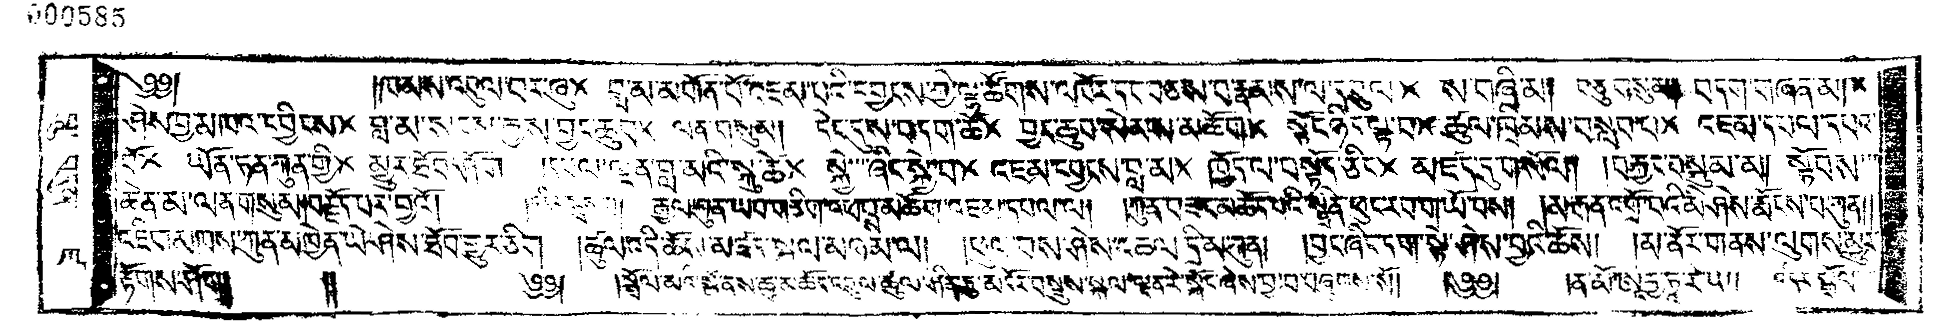༄༅། །ཁམས་འབུལ་བར་ཞུ་྾་བླ་མ་མགོན་པོ་འཇམ་པའི་དབྱངས་ཀྱི་ལྷ་ཚོགས་འཁོར་དང་བཅས་པ་རྣམས་ལ་དབུལ་྾་ས་གཞི་མ། བཅུ་གསུམ།  བདག་གཞན་མ། ྾་
ཤེས་བྱ་མཁའ་དབྱིངས་྾་བླ་མ་སངས་རྒྱས་བྱང་ཆུབ་྾་ལན་གསུམ།  དེང་དུས་བདག་ཚེ་྾་བྱང་ཆུབ་སེམས་མཆོག་྾་སྟོང་ཉིད་ལྟ་བ་྾་ཚུལ་ཁྲིམས་བསླབ་པ་྾་འཇམ་དཔལ་དཔའ་
བོ་྾་ཡོན་ཏན་ཀུན་གྱི་྾་མྱུར་ཐོབ་ཤོག །དཔལ་ལྡན་བླ་མའི་སྐུ་ཚེ་྾་སྐྱེ་ཞིང་སྐྱེ་བ་྾་འཇམ་དབྱངས་བླ་མ་྾་ཁྱོད་ལ་བསྟོད་ཅིང་྾་མཛད་དུ་གསོལ། །བརྐྱང་བསྐུམ་མ། སྟོབས་
ཆེན་མ་ལན་གསུམ། བརྗོད་པར་བྱའོ། ། འདིར་སྨྲས་པ།  རྒྱལ་ཀུན་ཡབ་གཅིག་འཕགས་མཆོག་འཇམ་དཔལ་ལ། །ཀུན་བཟང་མཆོད་པའི་སྤྲིན་ཕུང་རབ་གཡོ་བས། །མ་རྒན་འགྲོ་བའི་མི་ཤེས་རྨོངས་པ་ཀུན། །
འཇིག་མཁས་ཀུན་མཁྱེན་ཡེ་ཤེས་ཐོབ་གྱུར་ཅིག །ཚུལ་འདི་ཆོས་མཛད་སྐལ་མཉམ་ལ། །ཕུལ་བས་ཤེས་འཆལ་དྲི་མ་ཀུན། །བྱང་ཞིང་དག་སྟེ་ཤེས་བྱའི་ཆོས། །མ་ནོར་གནས་ལུགས་མྱུར་
རྟོགས་ཤོག ། །། ༄༅། ། སྒྲོལ་མའི་སྒོ་ནས་ཆུ་མཆོད་འབུལ་ཚུལ་ཤིན་ཏུ་མདོར་བསྡུས་སྐལ་ལྡན་རེ་སྐོང་ཞེས་བྱ་བ་བཞུགས་སོ། །  ༄༅། །ན་མོ་ཨཱ་རྱ་ཏཱ་རེ་ཡ། འདིར་སྒྲོལ་